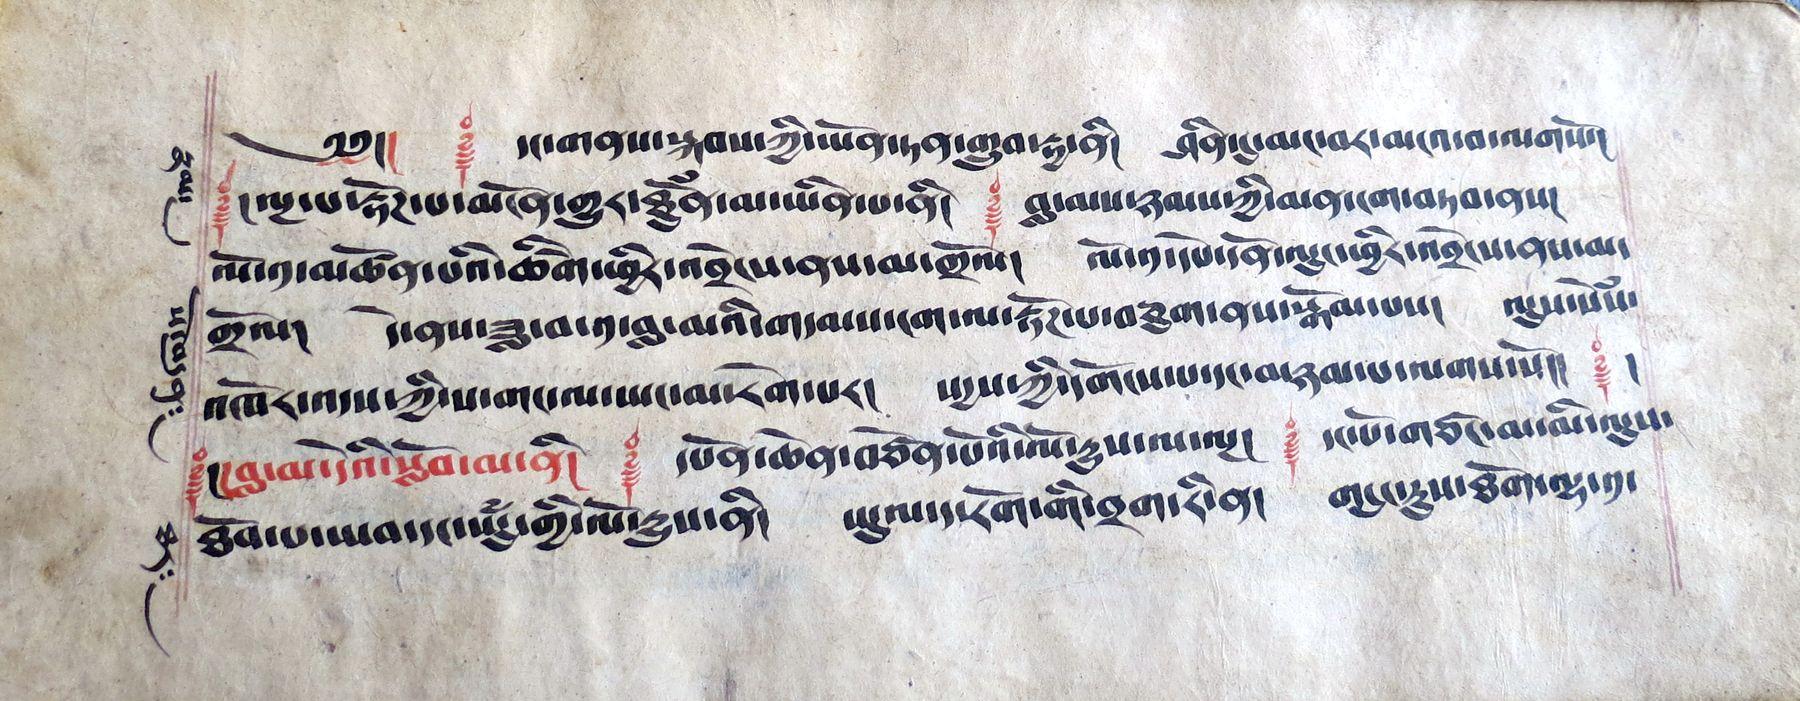དང་གནས་སྐབས་ཀྱི་ཡོན་ཏན་གྲུབ་རྟགས་ནི། ཤིན་ཏུ་མང་བར་མངའ་བ་ལགས་སོ། 
། ལྔ་པ་རྟོགས་པ་མངོན་གྱུར་ཐུན་མོང་མ་ཡིན་པ་ནི། བླ་མས་ཉམས་ཀྱི་གདམས་ངག་བཏབ་ནས། 
ལོ་གཅིག་མཚོན་པའི་ཚིག་ཕྱིར་འབྲེང་ནས་མ་གྲོལ། ལོ་གཅིག་དཔེ་དོན་ལུང་ཕྱིར་འབྲེང་ནས་མ་
གྲོལ། དེ་ནས་ཟླ་བ་གཅིག་ལ་བླ་མའི་གདམས་ངག་ལ་རྟོགས་པ་བཅུག་ནས་བསྒོམ་པས། ལུས་སེམས་
འཁོར་འདས་ཀྱི་ས་གང་ལ་ཡང་མ་རེག་པར། སངས་རྒྱས་ཀྱི་དགོངས་པ་དང་མཉམ་པ་ལགས་སོ། ། 
བླ་མ་དེའི་སློབ་མ་ནི། དཔོན་ཆེན་བཙན་པོའི་ལོ་རྒྱུས་ལ་ལྔ། དང་པོ་གཙང་མ་མི་ལུས་
ཐོབ་པ་ཡབ་དང་ཡུམ་གྱི་ལོ་རྒྱུས་ནི། ཡུལ་ད་རོག་གི་བྲག་རི་ན། གདུང་རུས་ཐོག་ལྷ་ཞིག་